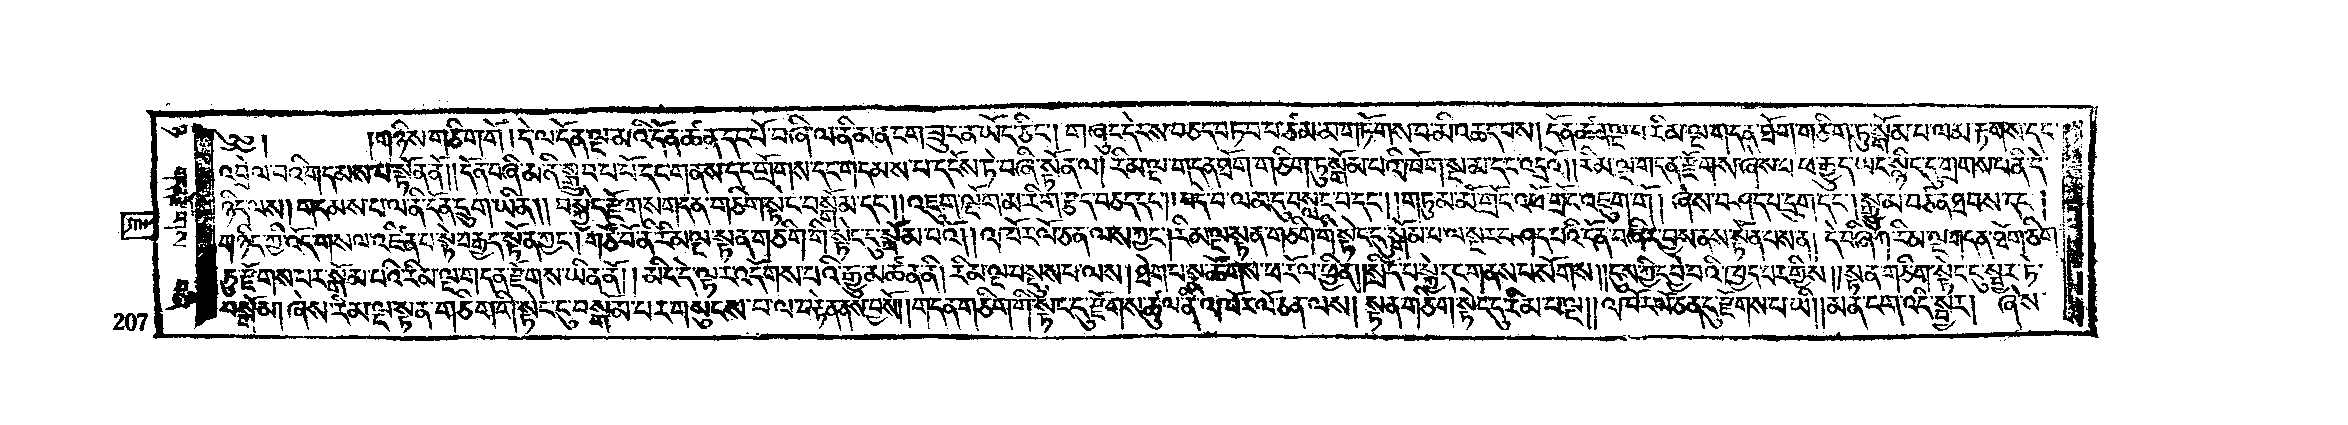༄༅། །གཉིས་གཅིག་གོ །དེ་ལ་དོན་ལྔ་མའི་དོན་ཚན་དང་པོ་བཞི་ལ་ནི་མན་ངག་ཟུར་ན་ཡོད་ཅིང་། གཞུང་དེར་ས་བཅད་བཏབ་པ་ཙམ་མ་གཏོགས་པ་མི་འཆད་པས། དོན་ཚན་ལྔ་པ་རིམ་ལྔ་གདན་ཐོག་གཅིག་ཏུ་སྒོམ་པ་ལམ་རྟགས་དང་
འབྲེལ་བའི་གདམས་པ་སྟོན་ནོ། །དོན་བཞི་མ་ནི་སྒྲུབ་པ་པོ་དང་གནས་དང་གྲོགས་དང་གདངས་པ་དངོས་ཏེ་བཞི་སྟོན་ལ། རིམ་ལྔ་གདན་ཐོག་གཅིག་ཏུ་སྒོམ་པའི་ཁོག་སྔ་མ་དང་འདྲའོ། །རིམ་ལྔ་གདན་རྫོགས་ཞེས་པ་ཕ་རྒྱུད་ཡང་སྙིང་དུ་གྲགས་པ་ནི་དེ་
ཉིད་ལས། གདམས་པ་ལ་ནི་དོན་དྲུག་ཡིན། །བསྐྱེད་རྫོགས་གདན་གཅིག་སྟེང་བསྒོམ་དང་། །འཇུག་ལྡོག་མ་རིག་རྩད་བཅད་དང་། །བདེ་བ་ལམ་དུ་བསླང་བ་དང་། །གཏུམ་མོ་གྲོང་འཕོ་གྲོང་འཇུག་གོ །ཞེས་བཤད་པ་དྲུག་དང་། སྒྱུ་མ་བཙན་ཐབས་དང་།
གཉིད་ཀྱི་འོད་གསལ་འཛིན་པ་སྟེ་བརྒྱད་སྟོན་ཀྱང་། གཙོ་བོ་ནི་རིམ་ལྔ་སྟན་གཅིག་གི་སྟེང་དུ་སྒོམ་པའོ། །འཁོར་ལོ་ཅན་ལས་ཀྱང་། རིམ་ལྔ་སྟན་གཅིག་གི་སྟེང་དུ་སྒོམ་པ་ལ་སྔར་བཤད་པའོ་དོན་བཞིར་བྱས་ནས་སྟོན་པས་ན། དེ་བཞི་ཀ་རིམ་ལྔ་གདན་ཐོག་ཅིག་
ཏུ་རྫོགས་པར་སྒོམ་པའི་རིམ་ལྔ་གདན་རྫོགས་ཡིན་ནོ། །མིང་དེ་ལྟར་འདོགས་པའི་རྒྱུ་མཚན་ནི། རིམ་ལྔ་བསྡུས་པ་ལས། ཐེག་པ་སྣ་ཚོགས་ཕ་རོལ་ཕྱིན། །སྲིད་པ་སྐྱེ་དང་གནས་པ་སོགས། །དུས་ཀྱི་དབྱེ་བའི་ཁྱད་པར་གྱིས། །སྟན་གཅིག་སྟེང་དུ་སྦྱར་ཏེ་
བསྒོམ། ཞེས་རིམ་ལྔ་སྟན་གཅིག་གི་སྟེང་དུ་བསྒོམ་པར་གསུངས་པ་ལ་བརྟེན་ནས་བྱས་སོ། །གདན་གཅིག་གི་སྟེང་དུ་རྫོགས་ཚུལ་ནི་འཁོར་ལོ་ཅན་ལས། སྟན་གཅིག་སྟེང་དུ་རིམ་པ་ལྔ། །འཁོར་ལོ་ཅན་དུ་རྫོགས་པ་ཡི། །མན་ངག་འདི་སྦྱར། ཞེས་